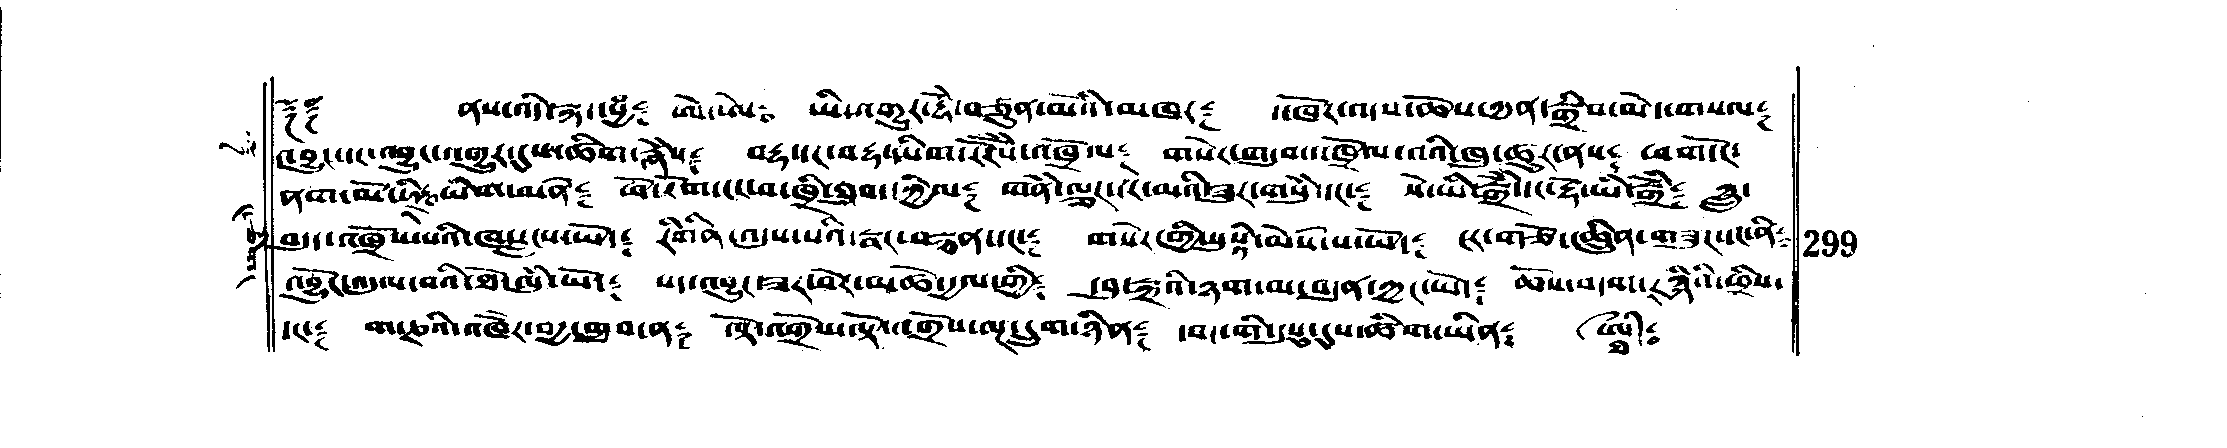ནས་འདི་སྐད་གསུངས། ཨེ་ཨེཿ མི་འགྱུར་རྡོ་རྗེ་བཙུན་མོའི་མཁར། །ད་འཁོར་འདས་ཆོས་ཀུན་སྒྲིབ་མེད་གསལ། །
འབྱུང་དང་འབྱུང་འགྱུར་དུས་ཚིགས་རྣམས། །བརྡ་དང་བརྡ་ཡིག་རེ་རེས་འཁྲོལ། །གསེར་གདུབ་འཁྲོལ་བའི་ཁུ་ཚུར་ནས། །ཕག་གདོང་
ནག་མོ་ཧྲིཿཡིག་མཚན། །ཕོ་རོག་ངང་པ་ཁྲི་ཐུབ་དཀྱིལ། །གནམ་ལྕགས་ངར་མའི་ཟུར་གསུམ་དང་། །སེ་ཡི་སྒྲོམ་དང་རྡོ་ཡི་སྒྲོམ། །ཀླུ་
བདུད་འཁྲོས་པའི་ཁ་རླངས་ཡོད། །རིག་འཛིན་འདུས་པའི་སྣང་བརྙན་དང་། །གསེར་གྱི་པུཔྟི་མཛེས་པ་ཡོད། །ངར་གཅོད་ཆུ་སྲིན་གཟུགས་དང་ནི། །
འབྱུང་པོ་འདུལ་བའི་ཐོ་ལུམ་ཡོད། །པད་འབྱུང་ཟ་བེར་མཚོ་རྒྱལ་གྱི། །དབུ་སྐྲའི་ཉག་མ་བདུན་ཀྱང་ཡོད། །ཆོས་བདག་ཌཱཀྐིའི་ཕྲིན་ལས་
དང་། །ག་ཎའི་འཁོར་ལོ་བརྒྱ་གྲུབ་ན། །ལྟོ་འགྲོས་ལྟོ་འགྲོས་ལྔ་དྲུག་ཉིན། །དབང་གི་དུས་སུ་དུས་ཚིགས་ཡིན།ཿ